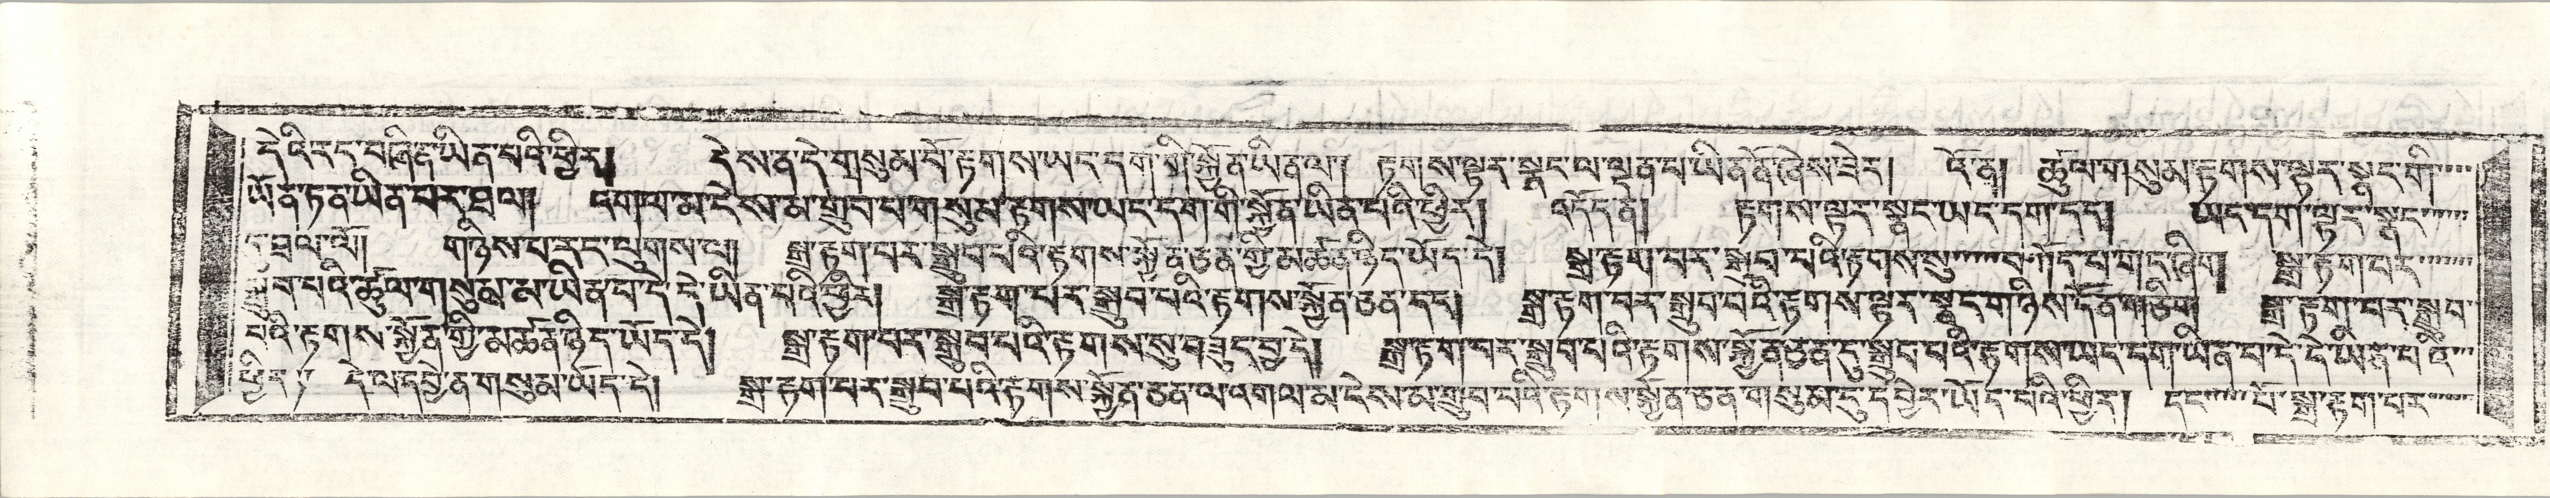དེའི་རང་བཞིན་ཡིན་པའི་ཕྱིར། དེས་ན་དེ་གསུམ་པོ་རྟགས་ཡང་དག་གི་སྐྱོན་ཡིན་ལ། རྟགས་ལྟར་སྣང་ལ་ལྡན་པ་ཡིན་ནོ་ཞེས་ཟེར། འོ་ན། ཚུལ་གསུམ་རྟགས་ལྟར་སྣང་གི་
ཡོན་ཏན་ཡིན་པར་ཐལ། འགལ་མ་ངེས་མ་གྲུབ་པ་གསུམ་རྟགས་ཡང་དག་གི་སྐྱོན་ཡིན་པའི་ཕྱིར། འདོད་ན། རྟགས་ལྟར་སྣང་ཡང་དག་དང་། ཡང་དག་ལྟར་སྣང་
དུ་ཐལ་ལོ།། གཉིས་པ་རང་ལུགས་ལ། སྒྲ་རྟག་པར་སྒྲུབ་པའི་རྟགས་སྐྱོན་ཅན་གྱི་མཚན་ཉིད་ཡོད་དེ། སྒྲ་རྟག་པར་སྒྲུབ་པའི་རྟགས་སུ་བཀོད་པ་གང་ཞིག། སྒྲ་རྟག་པར་
སྒྲུབ་པའི་ཚུལ་གསུམ་མ་ཡིན་པ་དེ་དེ་ཡིན་པའི་ཕྱིར། སྒྲ་རྟག་པར་སྒྲུབ་པའི་རྟགས་སྐྱོན་ཅན་དང་། སྒྲ་རྟག་པར་སྒྲུབ་པའི་རྟགས་ལྟར་སྣང་གཉིས་དོན་གཅིག །སྒྲ་རྟག་པར་སྒྲུབ་
པའི་རྟགས་སྐྱོན་གྱི་མཚན་ཉིད་ཡོད་དེ། སྒྲ་རྟག་པར་སྒྲུབ་པའི་རྟགས་སུ་བཟུང་བྱ་དེ། སྒྲ་རྟག་པར་སྒྲུབ་པའི་རྟགས་སྐྱོན་ཅན་དུ་སྒྲུབ་པའི་རྟགས་ཡང་དག་ཡིན་པ་དེ་དེ་ཡིན་པའི་
ཕྱིར། དེ་ལ་དབྱེ་ན་གསུམ་ཡོད་དེ། སྒྲ་རྟག་པར་སྒྲུབ་པའི་རྟགས་སྐྱོན་ཅན་ལ་འགལ་མ་ངེས་མ་གྲུབ་པའི་རྟགས་སྐྱོན་ཅན་གསུམ་དུ་དབྱེར་ཡོད་པའི་ཕྱིར། དང་པོ་སྒྲ་རྟག་པར་